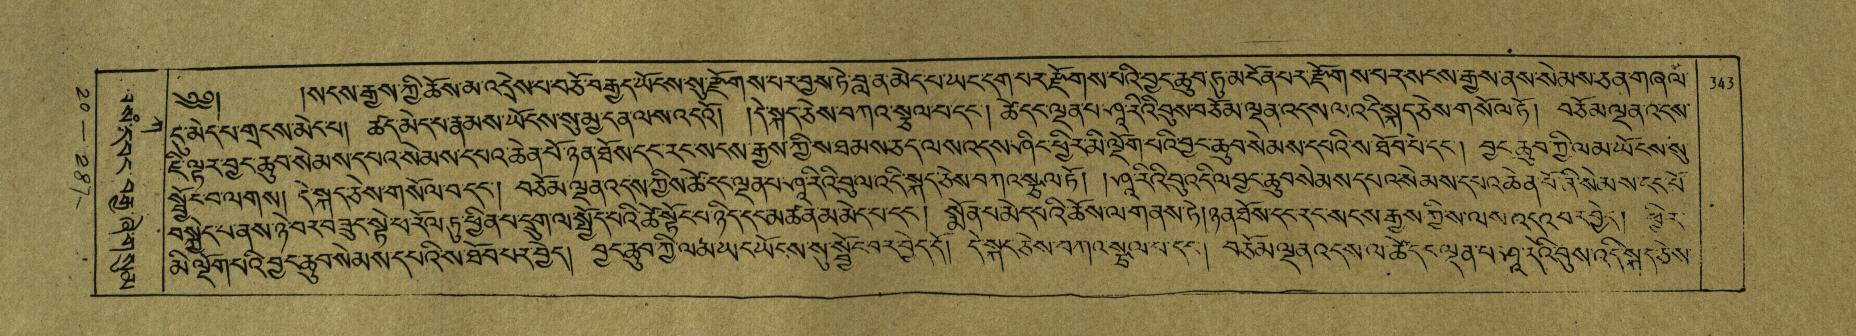༄༅། །སངས་རྒྱས་ཀྱི་ཆོས་མ་འདྲེས་པ་བཅོ་བརྒྱད་ཡོངས་སུ་རྫོགས་པར་བྱས་ཏེ་བླ་ན་མེད་པ་ཡང་དག་པར་རྫོགས་པའི་བྱང་ཆུབ་ཏུ་མངོན་པར་རྫོགས་པར་སངས་རྒྱས་ནས་སེམས་ཅན་གཞལ་
དུ་མེད་པ་གྲངས་མེད་པ། ཚད་མེད་པ་རྣམས་ཡོངས་སུ་མྱ་ངན་ལས་འདའོ། །དེ་སྐད་ཅེས་བཀའ་སྩལ་པ་དང་། ཚེ་དང་ལྡན་པ་ཤཱ་རིའི་བུས་བཅོམ་ལྡན་ལ་འདི་སྐད་ཅེས་གསོལ་ཏོ། བཅོམ་ལྡན་འདས་
ཇི་ལྟར་བྱང་ཆུབ་སེམས་དཔའ་སེམས་དཔའ་ཆེན་པོ་ཉན་ཐོས་དང་རང་སངས་རྒྱས་ཀྱི་ས་ཐམས་ཅད་ལས་འདས་ཤིང་ཕྱིར་མི་ལྡོག་པའི་བྱང་ཆུབ་སེམས་དཔའི་ས་ཐོབ་པ་དང་། བྱང་ཆུབ་ཀྱི་ལམ་ཡོངས་སུ་
སྦྱོང་བ་ལགས། དེ་སྐད་ཅེས་གསོལ་བ་དང་། བཅོམ་ལྡན་འདས་ཀྱིས་ཚེ་དང་ལྡན་པ་ཤཱ་རིའི་བུ་ལ་འདི་སྐད་ཅེས་བཀའ་སྩལ་ཏོ། །ཤཱ་རིའི་བུ་འདི་ལ་བྱང་ཆུབ་སེམས་དཔའ་སེམས་དཔའ་ཆེན་པོ་ནི་སེམས་དང་པོ་
བསྐྱེད་པ་ནས་ཉེ་བར་བཟུང་སྟེ་ཕ་རོལ་ཏུ་ཕྱིན་པ་དྲུག་ལ་སྤྱོད་པའི་ཚེ་སྟོང་པ་ཉིད་དང་མཚན་མ་མེད་པ་དང་། སྨོན་པ་མེད་པའི་ཆོས་ལ་གནས་ཏེ། ཉན་ཐོས་དང་རང་སངས་རྒྱས་ཀྱི་ས་ལས་འདའ་བར་བྱེད། ཕྱིར་
མི་ལྡོག་པའི་བྱང་ཆུབ་སེམས་དཔའི་ས་ཐོབ་པར་བྱེད། བྱང་ཆུབ་ཀྱི་ལམ་ཡང་ཡོངས་སུ་སྦྱོང་བར་བྱེད་དོ། དེ་སྐད་ཅེས་བཀའ་སྩལ་པ་དང་། བཅོམ་ལྡན་འདས་ལ་ཚེ་དང་ལྡན་པ་ཤཱ་རིའི་བུས་འདི་སྐད་ཅེས་